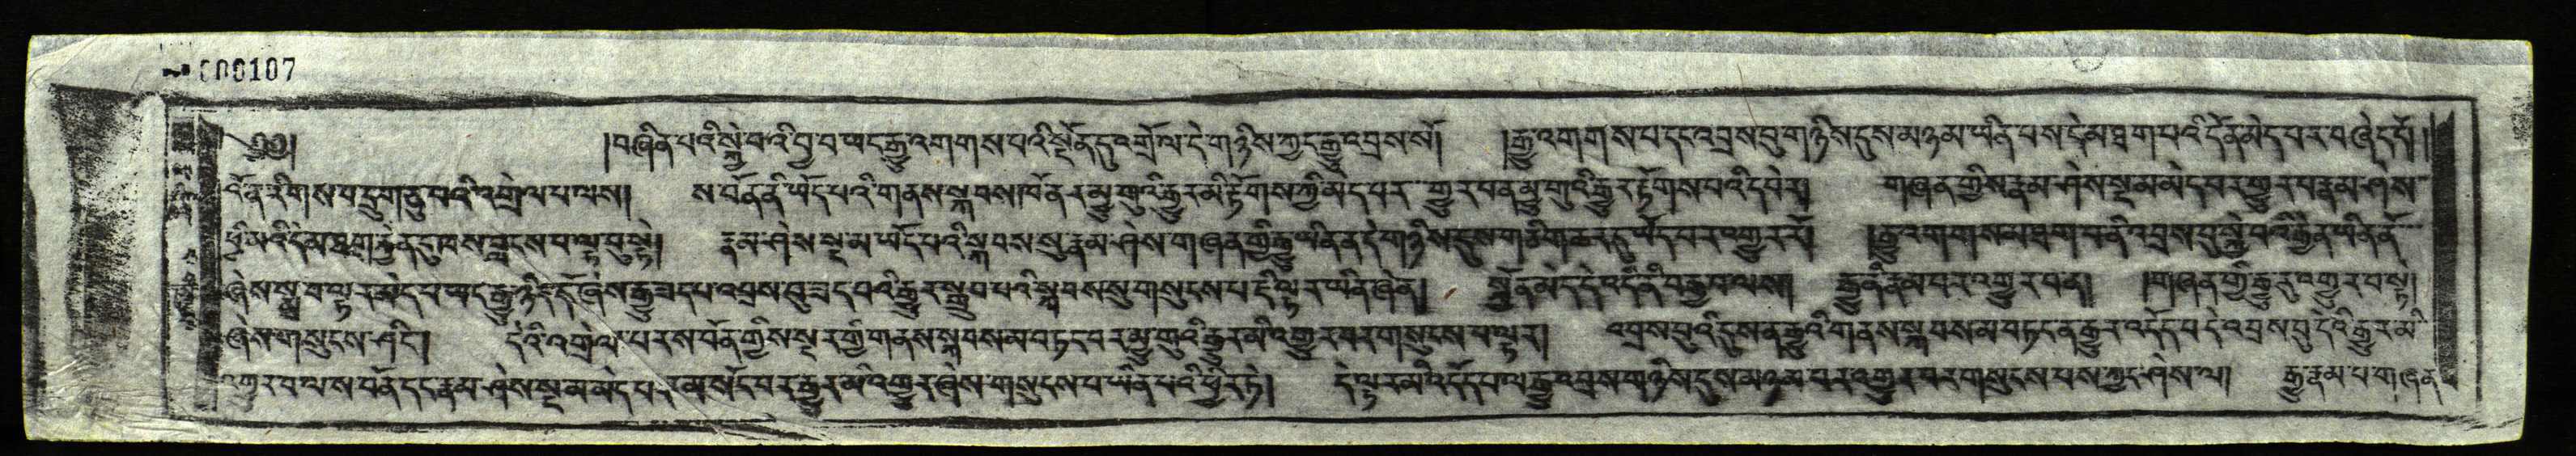༄༅། །བཞིན་པའི་སྐྱེ་བའི་བྱ་བ་ཡང་རྒྱུ་འགགས་པའི་སྔོན་དུ་འགྲོ་ལ་དེ་གཉིས་ཀྱང་རྒྱུ་འབྲས་སོ། །རྒྱུ་འགགས་པ་དང་འབྲས་བུ་གཉིས་དུས་མཉམ་ཡིན་པས་དེ་མ་ཐག་པའི་དོན་མེད་པར་བཞེད་དོ། །
འོ་ན་རིགས་པ་དྲུག་ཅུ་པའི་འགྲེལ་པ་ལས། ས་བོན་ནི་ཡོད་པའི་གནས་སྐབས་ཁོ་ནར་མྱུ་གུའི་རྒྱུར་མི་རྟོགས་ཀྱི་མེད་པར་གྱུར་པ་ན་མྱུ་གུའི་རྒྱུར་རྟོགས་པའི་དཔེར། གཞན་གྱིས་རྣམ་ཤེས་སྔ་མ་མེད་པར་གྱུར་པ་རྣམ་ཤེས་
ཕྱི་མའི་དེ་མ་ཐག་རྐྱེན་དུ་ཁས་བླངས་པ་ལྟ་བུ་སྟེ། རྣམ་ཤེས་སྔ་མ་ཡོད་པའི་སྐབས་སུ་རྣམ་ཤེས་གཞན་གྱི་རྒྱུ་ཡིན་ན་དེ་གཉིས་དུས་གཅིག་ཆར་དུ་ཡོད་པར་འགྱུར་རོ། །རྒྱུ་འགགས་མ་ཐག་པ་ནི་འབྲས་བུ་སྐྱེ་བའི་རྐྱེན་ཡིན་ནོ་
ཞེས་སྨྲ་བ་ལྟར་མེད་པ་ཡང་རྒྱུ་ཉིད་དོ་ཞེས་རྒྱུ་ཟད་པ་འབྲས་བུ་ཟད་པའི་རྒྱུར་སྒྲུབ་པའི་སྐབས་སུ་གསུངས་པ་ཇི་ལྟར་ཡིན་ཞེ་ན། སྐྱོན་མེད་དེ་འདི་ནི་བརྒྱ་བ་ལས། རྒྱུ་ནི་རྣམ་པར་འགྱུར་པ་ན། །གཞན་གྱི་རྒྱུ་རུ་འགྱུར་བ་སྟེ།
ཞེས་གསུངས་ཤིང་། དེའི་འགྲེལ་པར་ས་བོན་གྱིས་སྔར་གྱི་གནས་སྐབས་མ་བཏང་བར་མྱུ་གུའི་རྒྱུར་མི་འགྱུར་བར་གསུངས་པ་ལྟར། འབྲས་བུའི་དུས་ན་རྒྱུའི་གནས་སྐབས་མ་བཏང་ན་རྒྱུར་འདོད་པ་དེ་འབྲས་བུ་དེའི་རྒྱུར་མི་
འགྱུར་བ་ལ་ས་བོན་དང་རྣམ་ཤེས་སྔ་མ་མེད་པར་མ་སོང་བར་རྒྱུར་མི་འགྱུར་ཞེས་གསུངས་པ་ཡིན་པའི་ཕྱིར་ཏེ། དེ་ལྟར་མི་འདོད་པ་ལ་རྒྱུ་འབྲས་གཉིས་དུས་མཉམ་པར་འགྱུར་བར་གསུངས་པས་ཀྱང་ཤེས་ལ། རྒྱུ་རྣམ་པ་གཞན་